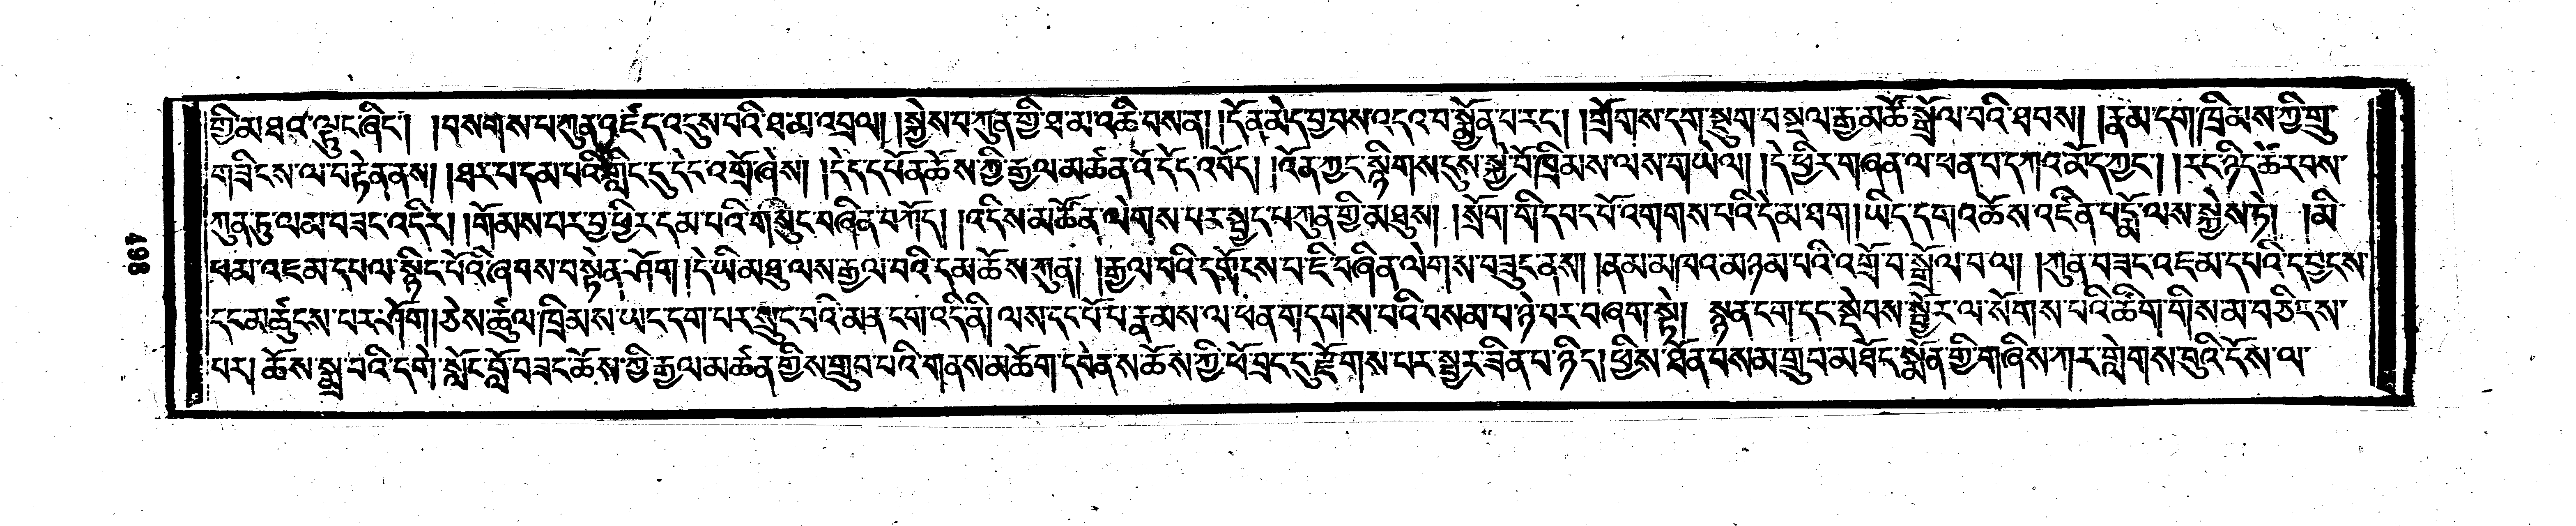གྱི་མཐའ་ལྟུང་ཞིང་། །བསགས་པ་ཀུན་འཛད་འདུས་པའི་ཐ་མ་འབྲལ། །སྐྱེས་པ་ཀུན་གྱི་ཐ་མ་འཆི་བས་ན། །དོན་མེད་བྱ་བས་འདའ་བ་སྨྱོན་པ་རང་། །གྲོགས་དག་སྡུག་བསྔལ་རྒྱ་མཚོ་སྒྲོལ་བའི་ཐབས། །རྣམ་དག་ཁྲིམས་ཀྱི་གྲུ་
གཟིངས་ལ་བརྟེན་ནས། །ཐར་པ་དམ་པའི་གླིང་དུ་དེང་འགྲོ་ཞེས། །དེད་དཔོན་ཆོས་ཀྱི་རྒྱལ་མཚན་འོ་དོད་འབོད། །འོན་ཀྱང་སྙིགས་དུས་སྐྱེ་བོ་ཁྲིམས་ལས་གཡེལ། །དེ་ཕྱིར་གཞན་ལ་ཕན་པ་དཀའ་མོད་ཀྱང་། །རང་ཉིད་ཚེ་རབས་
ཀུན་ཏུ་ལམ་བཟང་འདིར། །གོམས་པར་བྱ་ཕྱིར་དམ་པའི་གསུང་བཞིན་བཀོད། །འདིས་མཚོན་ལེགས་པར་སྤྱད་པ་ཀུན་གྱི་མཐུས། །སྲོག་གི་དབང་པོ་འགགས་པའི་དེ་མ་ཐག །ཡིད་དགའ་ཆོས་འཛིན་པདམོ་ལས་སྐྱེས་ཏེ། །མི་
ཕམ་འཇམ་དཔལ་སྙིང་པོའི་ཞབས་བསྟེན་ཤོག །དེ་ཡི་མཐུ་ལས་རྒྱལ་བའི་དམ་ཆོས་ཀུན། །རྒྱལ་བའི་དགོངས་པ་ཇི་བཞིན་ལེགས་བཟུང་ནས། །ནམ་མཁའ་མཉམ་པའི་འགྲོ་བ་སྒྲོལ་བ་ལ། །ཀུན་བཟང་འཇམ་དཔའི་དབྱངས་
དང་མཚུངས་པར་ཤོག །ཅེས་ཚུལ་ཁྲིམས་ཡང་དག་པར་སྲུང་བའི་མན་ངག་འདི་ནི། ལས་དང་པོ་པ་རྣམས་ལ་ཕན་གདགས་པའི་བསམ་པ་ཉེ་བར་བཞག་སྟེ། སྙན་ངག་དང་སྡེབས་སྦྱོར་ལ་སོགས་པའི་ཚིག་གིས་མ་བཅིངས་
པར། ཆོས་སྨྲ་བའི་དགེ་སློང་བློ་བཟང་ཆོས་ཀྱི་རྒྱལ་མཚན་གྱིས་གྲུབ་པའི་གནས་མཆོག་དབེན་ས་ཆོས་ཀྱི་ཕོ་བྲང་དུ་རྫོགས་པར་སྦྱར་ཟིན་པ་ཉིད། ཕྱིས་ཐོན་བསམ་གྲུབ་མཐོང་སྨོན་གྱི་གཞིས་ཀར་གླེགས་བུའི་ངོས་ལ་